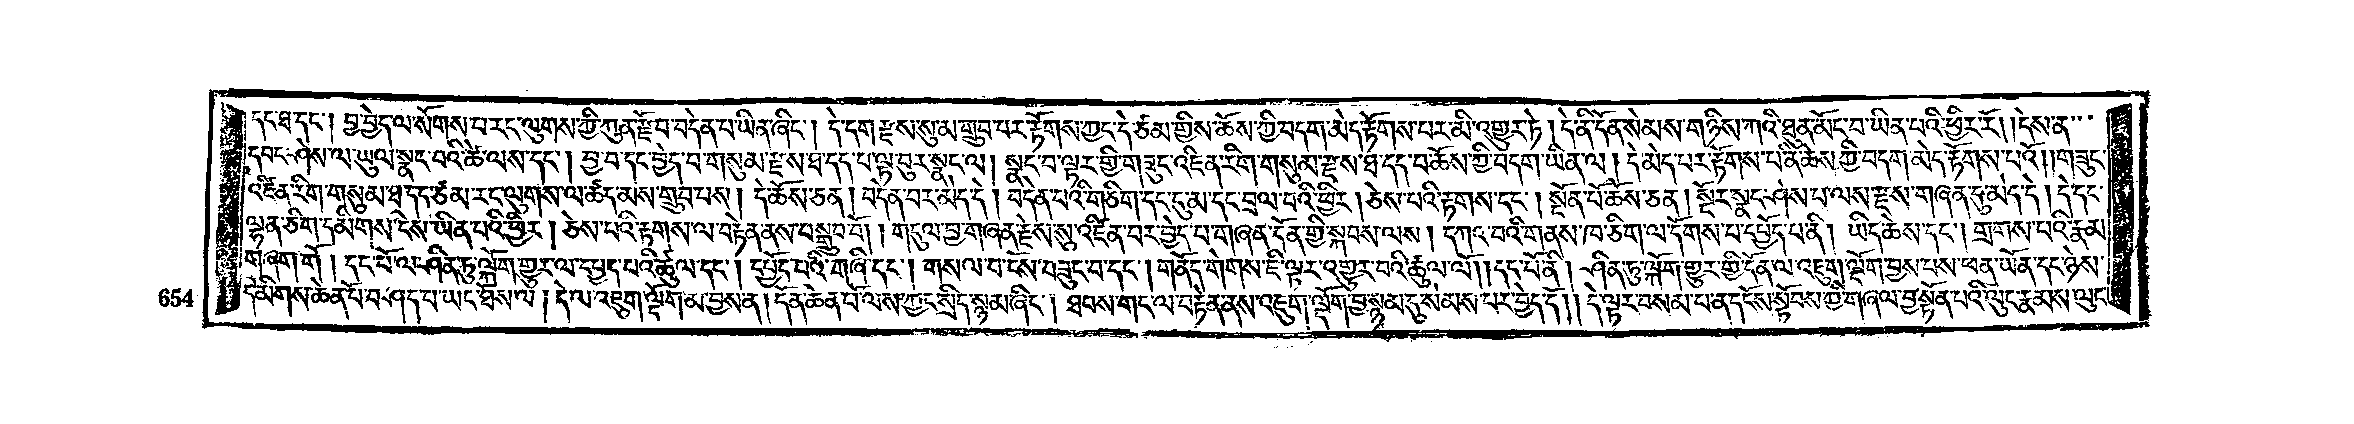དང་ཐ་དང་། བྱ་བྱེད་ལ་སོགས་པ་རང་ལུགས་ཀྱི་ཀུན་རྫོབ་བདེན་པ་ཡིན་ཞིང་། དེ་དག་རྫས་སུ་མ་གྲུབ་པར་རྟོགས་ཀྱང་དེ་ཙམ་གྱིས་ཆོས་ཀྱི་བདག་མེད་རྟོགས་པར་མི་འགྱུར་ཏེ། དེ་ནི་དོན་སེམས་གཉིས་ཀའི་ཐུན་མོང་བ་ཡིན་པའི་ཕྱིར་རོ། །དེས་ན་
དབང་ཤེས་ལ་ཡུལ་སྣང་བའི་ཚེ་ལས་དང་། བྱ་བ་དང་བྱེད་པ་གསུམ་རྫས་ཐ་དད་པ་ལྟ་བུར་སྣང་ལ། སྣང་བ་ལྟར་གྱི་གཟུང་འཛིན་རིག་གསུམ་རྫས་ཐ་དད་པ་ཆོས་ཀྱི་བདག་ཡིན་ལ། དེ་མེད་པར་རྟོགས་པ་ནི་ཆོས་ཀྱི་བདག་མེད་རྟོགས་པའོ། །གཟུང་
འཛིན་རིག་གསུམ་ཐ་དད་ཙམ་རང་ལུགས་ལ་ཚད་མས་གྲུབ་པས། དེ་ཆོས་ཅན། བདེན་པར་མེད་དེ། བདེན་པའི་གཅིག་དང་དུ་མ་དང་བྲལ་བའི་ཕྱིར། ཅེས་པའི་རྟགས་དང་། སྔོན་པོ་ཆོས་ཅན། སྔོར་སྣང་ཤེས་པ་ལས་རྫས་གཞན་དུ་མེད་དེ། དེ་དང་
ལྷན་ཅིག་དམིགས་ངེས་ཡིན་པའི་ཕྱིར། ཅེས་པའི་རྟགས་ལ་བརྟེན་ནས་བསྒྲུབ་བོ། །གདུལ་བྱ་གཞན་རྗེས་སུ་འཛིན་པར་བྱེད་པ་གཞན་དོན་གྱི་སྐབས་ལས། དཀའ་བའི་གནས་ཁ་ཅིག་ལ་དོགས་པ་དཔྱོད་པ་ནི། ཡིད་ཆེས་དང་། གྲགས་པའི་རྣམ་
གཞག་གོ །དང་པོ་ལ་ཤིན་ཏུ་ལྐོག་གྱུར་ལ་དཔྱད་པའི་ཚུལ་དང་། དཔྱོད་པའི་གཞི་དང་། གསལ་བ་ངོས་བཟུང་བ་དང་། གནོད་གེགས་ཇི་ལྟར་འགྱུར་བའི་ཚུལ་ལོ། །དང་པོ་ནི། ཤིན་ཏུ་ལྐོག་གྱུར་གྱི་དོན་ལ་འཇུག་ལྡོག་བྱས་པས་ཕན་ཡོན་དང་ཉེས་
དམིགས་ཆེན་པོ་བཤད་པ་ཡང་ཐོས་ལ། དེ་ལ་འཇུག་ལྡོག་མ་བྱས་ན། དོན་ཆེན་པོ་ལས་ཀྱང་སྲིད་སྙམ་ཞིང་། ཐབས་གང་ལ་བརྟེན་ནས་འཇུག་ལྡོག་བྱ་སྙམ་དུ་སེམས་པར་བྱེད་དོ། །དེ་ལྟར་བསམ་པ་ན་དངོས་སྟོབས་ཀྱི་གཞལ་བྱ་སྟོན་པའི་ལུང་རྣམས་ལུང་